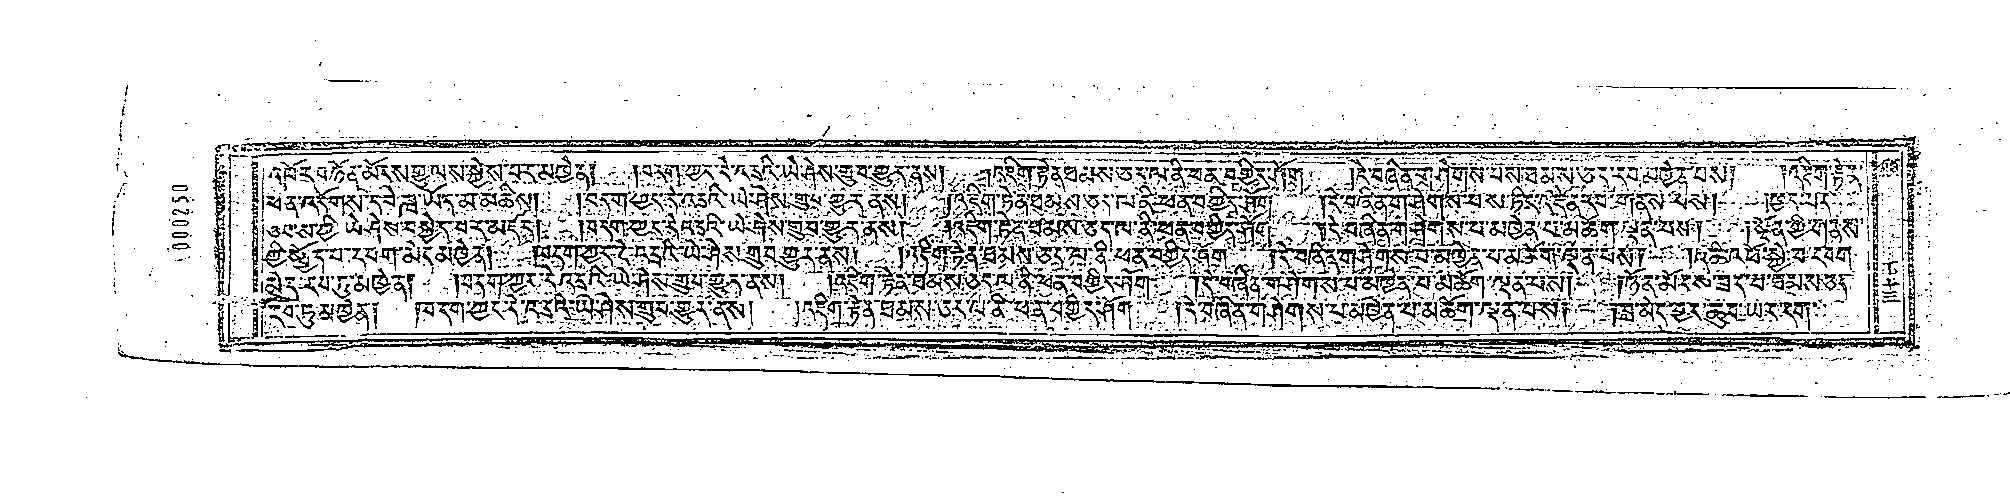འཁོར་བ་ཉོན་མོངས་རྒྱུ་ལས་སྐྱེས་པར་མཁྱེན། །བདག་ཀྱང་དེ་འདྲའི་ཡེ་ཤེས་གྲུབ་གྱུར་ནས། །འཇིག་རྟེན་ཐམས་ཅད་ལ་ནི་ཕན་བགྱིད་ཤོག །དེ་བཞིན་གཤེགས་པས་ཐམས་ཅད་རབ་མཁྱེན་པས། །འཇིག་རྟེན་
ཕན་འདོགས་དབེ་ཟླ་ཡོད་མ་མཆིས། །བདག་ཀྱང་དེ་འདྲའི་ཡེ་ཤེས་གྲུབ་གྱུར་ནས། །འཇིག་ཏེན་ཐམས་ཅད་ལ་ནི་ཕན་བགྱིད་ཤོག །དེ་བཞིན་གཤེགས་པས་ཏིང་འཛིན་རབ་གནས་པས། །ཁྱད་པར་
ཅབ་ས་ཀྱི་ཡེ་ཤེས་བསྐྱེད་པར་མཛད། །བདག་ཀྱང་དེ་འདྲའི་ཡེ་ཤེས་གྲུབ་གྱུར་ནས། །འཇིག་རྟེན་ཐམས་ཅད་ཁ་ནི་ཕན་བགྱིད་ཤོག །དེ་བཞིན་གཤེགས་པ་མཁྱེན་པ་མཆོག་ལྡན་པས། །སྔོན་གྱི་གནས་
ཀྱི་སྤྱོད་པ་དཔག་མེད་མཁྱེན། །བདག་ཀྱང་དེ་འདྲའི་ཡེ་ཤེས་གྲུབ་གྱུར་ནས། །འཇིག་རྟེན་ཐམས་ཅད་ལ་ནི་ཕན་བགྱིད་ཤོག །དེ་བཞིན་གཤེགས་པ་མཁྱེན་པ་མཆོག་ལྡན་པས། །འཆི་འཕོ་སྐྱེ་བ་དཔག་
མེད་རབ་ཏུ་མཁྱེན། །བདག་ཀྱང་དེ་འདྲའི་ཡེ་ཤེས་གྲུབ་གྱུར་ནས། །འཇིག་རྟེན་ཐམས་ཅད་ལ་ནི་ཕན་བགྱིད་ཤོག །དེ་བཞིན་གཤེགས་པ་མཁྱེན་པ་མཆོག་ལྡན་པས། །ཉོན་མོངས་ཟད་པ་ཐམས་ཅད་
རབ་ཏུ་མཁྱེན། །བདག་ཀྱང་དེ་འདྲའི་ཡེ་ཤེས་གྲུབ་གྱུར་ནས། །འཇིག་རྟེན་ཐམས་ཅད་ལ་ནི་ཕན་བགྱིད་ཤོག །དེ་བཞིན་གཤེགས་པ་མཁྱེན་པ་མཆོག་ལྡན་པས། །བླ་མེད་བྱང་ཆུབ་ཡང་དག་